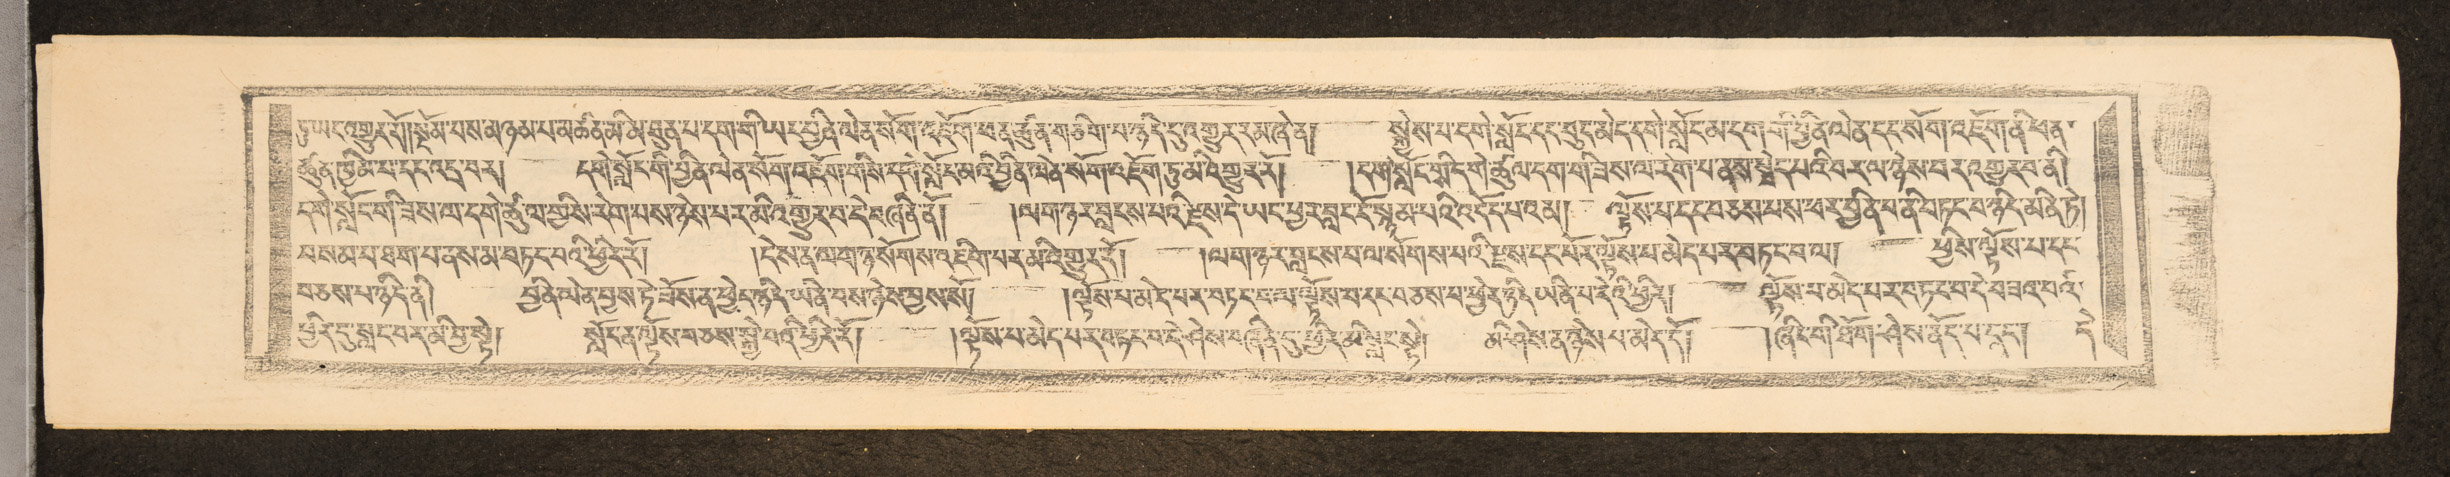ཏུ་ཡང་འགྱུར་རོ། །སྡོམ་པས་མཉམ་པ་མཚན་མི་མཐུན་པ་དག་གི་ཡང་བྱིན་ལེན་སོག་འཇོག་ཕན་ཚུན་གཅིག་པ་ཉིད་དུ་འགྱུར་རམ་ཞེ་ན། སྐྱེས་པ་དགེ་སློང་དང་བུད་མེད་དགེ་སློང་མ་དག་གི་བྱིན་ལེན་དང་སོག་འཇོག་ནི་ཕན་
ཚུན་ཁྱིམ་པ་དང་འདྲ་བར། དགེ་སློང་གི་བྱིན་ལེན་སོག་འཇོག་གིས་དགེ་སློང་མའི་བྱིན་ལེན་སོག་འཇོག་ཏུ་མི་འགྱུར་རོ། །དགེ་སློང་གིས་དགེ་ཚུལ་དག་གི་ཟས་ལ་རེག་པ་ནས་སྦེད་པའི་བར་ལ་ཉེས་པར་འགྱུར་བ་ནི།
དགེ་སློང་གི་ཟས་ལ་དགེ་ཚུལ་གྱིས་རེག་པས་ཉེས་པར་མི་འགྱུར་བ་དེ་བཞིན་ནོ། །ལག་ཉར་བླངས་པའི་རྫས་དེ་ཡང་ཕྱིར་བླང་ངོ་སྙམ་པའི་འདོད་པའམ། ལྟོས་པ་དང་བཅས་པས་ཕར་ཕྱིན་པ་ནི་བཏང་བ་ཉིད་མིན་ཏེ།
བསམ་བ་ཐག་པ་ནས་མ་བཏང་བའི་ཕྱིར་རོ། །དེས་ན་ལག་ཉ་སོགས་འཇིག་པར་མི་འགྱུར་རོ། །ལག་ཉར་བླངས་པ་ལ་སོགས་པའི་རྫས་དང་པོར་ལྟོས་པ་མེད་པར་བཏང་བ་ལ། ཕྱིས་ལྟོས་པ་དང་
བཅས་པ་ཉིད་ནི། བྱིན་ལེན་བྱས་ཏེ་ཟོས་ན་ཕྱེད་ཉིད་ཡིན་པས་ཉེས་བྱས་སོ། །ལྟོས་པ་མེད་པར་བཏང་བ་ལ་ལྟོས་པ་དང་བཅས་པ་ཕྱེད་ཉིད་ཡིན་པ་དེའི་ཕྱིར། ལྟོས་པ་མེད་པར་བཏང་བ་དེ་བཟའ་བའི་
ཕྱིར་དུ་སླང་བར་མི་བྱ་སྟེ། སློང་ན་ལྟོས་བཅས་སྐྱེ་བའི་ཕྱིར་རོ། །ལྟོས་པ་མེད་པར་བཏང་བ་དེ་ཤེས་བ་ཞིན་དུ་ཕྱིར་མི་སླང་སྟེ། མི་ཤེས་ན་ཉེས་པ་མེད་དོ། །ཞིང་གི་ཐོག་ཤས་ནོད་པ་དང་། དེ་